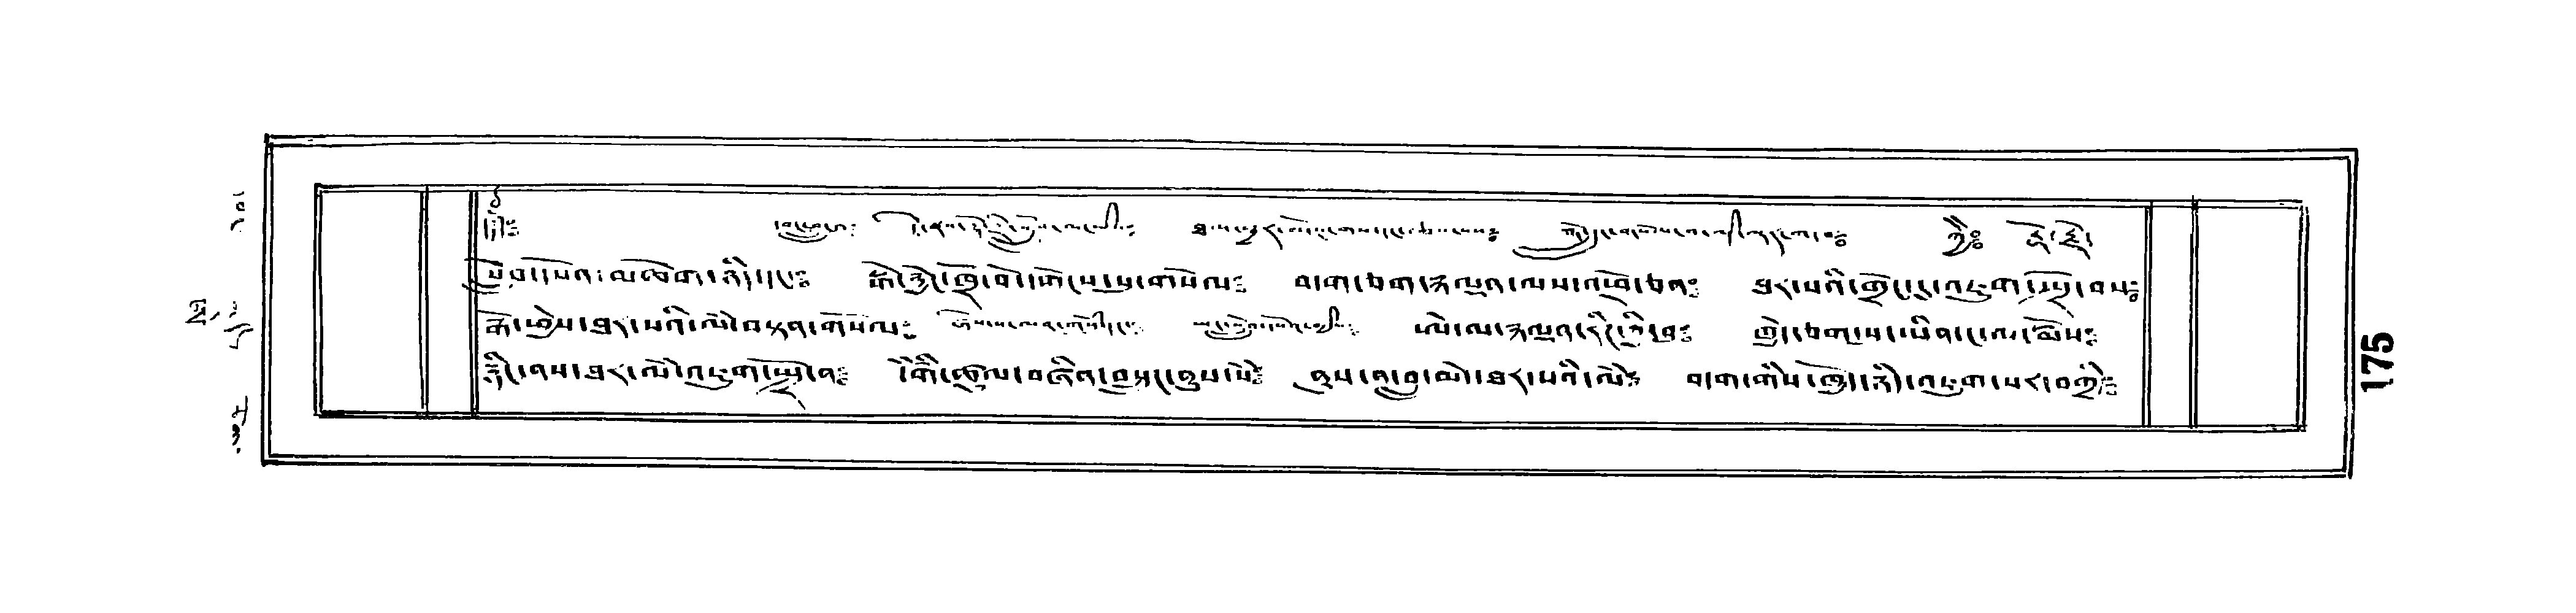དབང་བླངས༔ དེ་ནས་རྡོ་རྗེ་སློབ་མ་ཡིས༔ ཐལ་སྦྱར་མོས་གུས་དང་བཅས་པས༔ སྐོ་དྲུང་གསོལ་བ་འདི་ལྟར་གདབ༔ ཀྱཻ༔ རྡོ་རྗེ་
སློབ་དཔོན་མཆོག་ཉིད་དང༔ སྒོ་སྐྱོང་ཁྲོ་བོ་དགོངས་སུ་གསོལ༔ བདག་ཅག་སྐལ་ལྡན་ལས་འཕྲོ་ཅན༔ ཐར་པའི་གྲོང་དུ་འཇུག་སྤྲོ་བས༔
 སྒོ་ཕྱེས་ཐར་པའི་ལམ་བསྟན་གསོལ༔ ཞེས་པ་ལན་གསུམ་དང༔ ཡང་སློབ་དཔོན་གྱིས༔ ཨེ་མ་སྐལ་ལྡན་རིགས་ཀྱི་བུ༔ ཁྱེད་ཅག་སུ་ཡིན་ང་ལ་སྨོས༔ 
སྙིང་ནས་ཐར་ལམ་འཇུག་སྤྲོ་ན༔ དམ་ཚིག་ཚུལ་བཞིན་བསྲུང་ནུས་སམ༔ ནུས་ན་བླ་མེད་ཐར་པའི་ལམ༔ བདག་གིས་ཁྱོད་ཉིད་འཇུག་པར་བགྱི༔